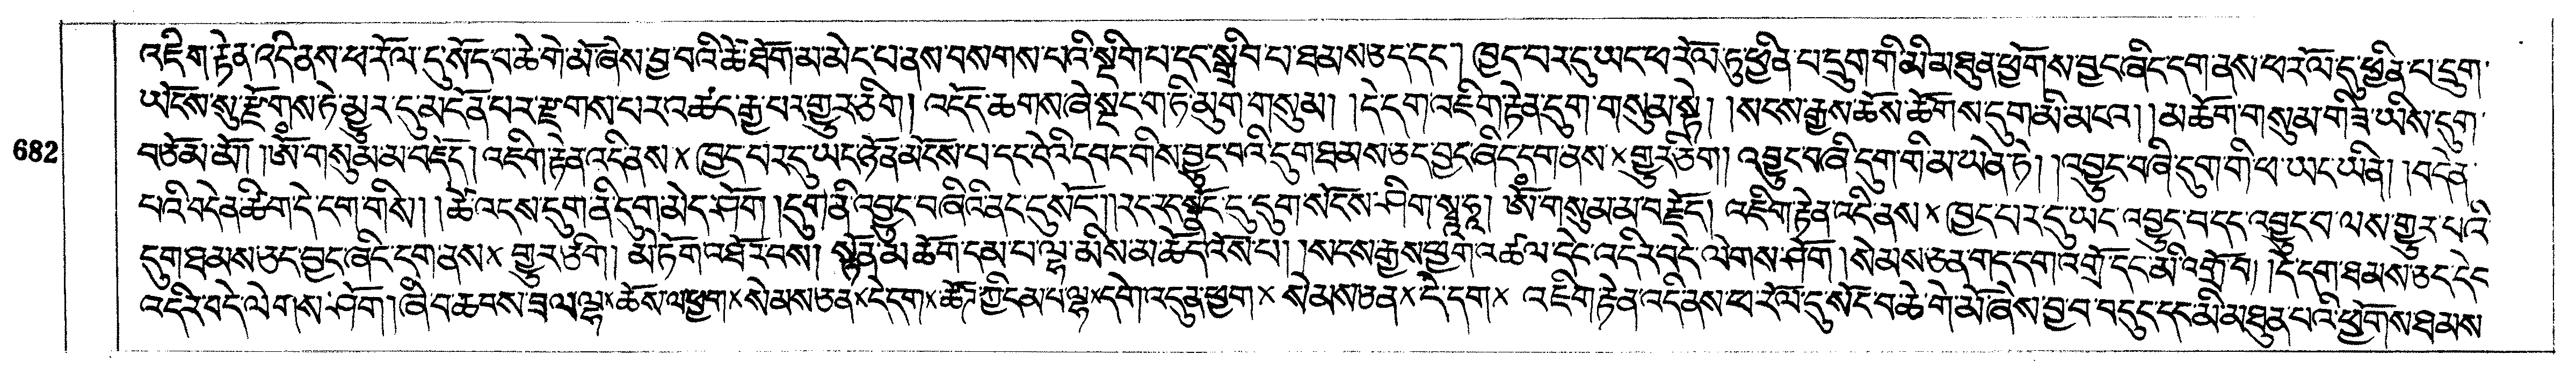འཇིག་རྟེན་འདི་ནས་ཕ་རོལ་ཏུ་སོང་པ་ཆེ་གེ་མོ་ཞེས་བྱ་བའི་ཆོ་ཐོག་མ་མེད་པ་ནས་བསགས་པའི་སྡིག་པ་དང་སྒྲིབ་པ་ཐམས་ཅད་དང་། ཁྱད་པར་དུ་ཡང་ཕ་རོལ་ཏུ་ཕྱིན་པ་དྲུག་གི་མི་མཐུན་ཕྱོགས་བྱང་ཞིང་དག་ནས་ཕ་རོལ་ཏུ་ཕྱིན་པ་དྲུག་
ཡོངས་སུ་རྫོགས་ཏེ་མྱུར་དུ་མངོན་པར་རྫགས་པར་འཚང་རྒྱ་པར་གྱུར་ཅིག །འདོད་ཆགས་ཞེ་སྡང་གཏི་མུག་གསུམ། །དེ་དག་འཇིག་རྟེན་དུག་གསུམ་སྟེ། །སངས་རྒྱས་ཆོས་ཚོགས་དུག་མི་མངའ། །མཆོག་གསུམ་གཟི་ཡིས་དུག་
བཅོམ་མོ། །ཨོཾ་གསུམ་མ་བྗོད། འཇིག་རྟེན་འདི་ནས་྾་ཁྱད་པར་དུ་ཡང་ཉོན་མོངས་པ་དང་དེའི་དབང་གིས་བྱུང་བའི་དུག་ཐམས་ཅད་བྱང་ཞིང་དག་ནས་྾་གྱུར་ཅིག །འབྱུང་བཞི་དུག་གི་མ་ཡིན་ཏེ། །འབྱུང་བཞི་དུག་གི་ཕ་ཡང་ཡིན། །བདེན་
པའི་བདེན་ཚིག་དེ་དག་གིས། །ཚེ་འདས་དུག་ནི་དུག་མེད་ཤོག །དུག་ནི་འབྱུང་བཞིའི་ནང་དུ་སོང་། །རང་རང་སྣོད་དུ་དུག་སོངས་ཤིག་སྭཱ་ཧཱ། ཨོཾ་གསུམ་མ་བརྗོད། འཇིག་རྟེན་འདི་ནས་྾་ཁྱད་པར་དུ་ཡང་འབྱུང་བ་དང་འབྱུང་བ་ལས་གྱུར་པའི་
དུག་ཐམས་ཅད་བྱང་ཞིང་དག་ནས་྾་གྱུར་ཅིག །མེ་ཏོག་འཐོར་བས། སྟོན་མཆོག་དམ་པ་ལྷ་མིས་མ་ཆོད་འོས་པ། །སངས་རྒྱས་ཕྱག་འཚལ་དེང་འདིར་བདེ་ལེགས་ཤོག །སེམས་ཅན་གང་དག་འགྲོ་དང་མི་འགྲོ་བ། །དེ་དག་ཐམས་ཅད་དེང་
འདིར་བདེ་ལེགས་ཤོག །ཞི་བ་ཆབས་བྲལ་ལྷ་྾་ཆོས་ལ་ཕྱག་྾་སེམས་ཅན་྾་དེ་དག་྾་ཚོཌ་ཀྱི་དམ་པ་ལྷ་྾་དགེ་འདུན་ཕྱག་྾་སེམས་ཅན་྾་དེ་དག་྾་འཇིག་རྟེན་འདི་ནས་ཕ་རོལ་དུ་སོང་བ་ཆེ་གེ་མོ་ཞེས་བྱ་བ་བདུད་དང་མི་མཐུན་པའི་ཕྱོགས་ཐམས་